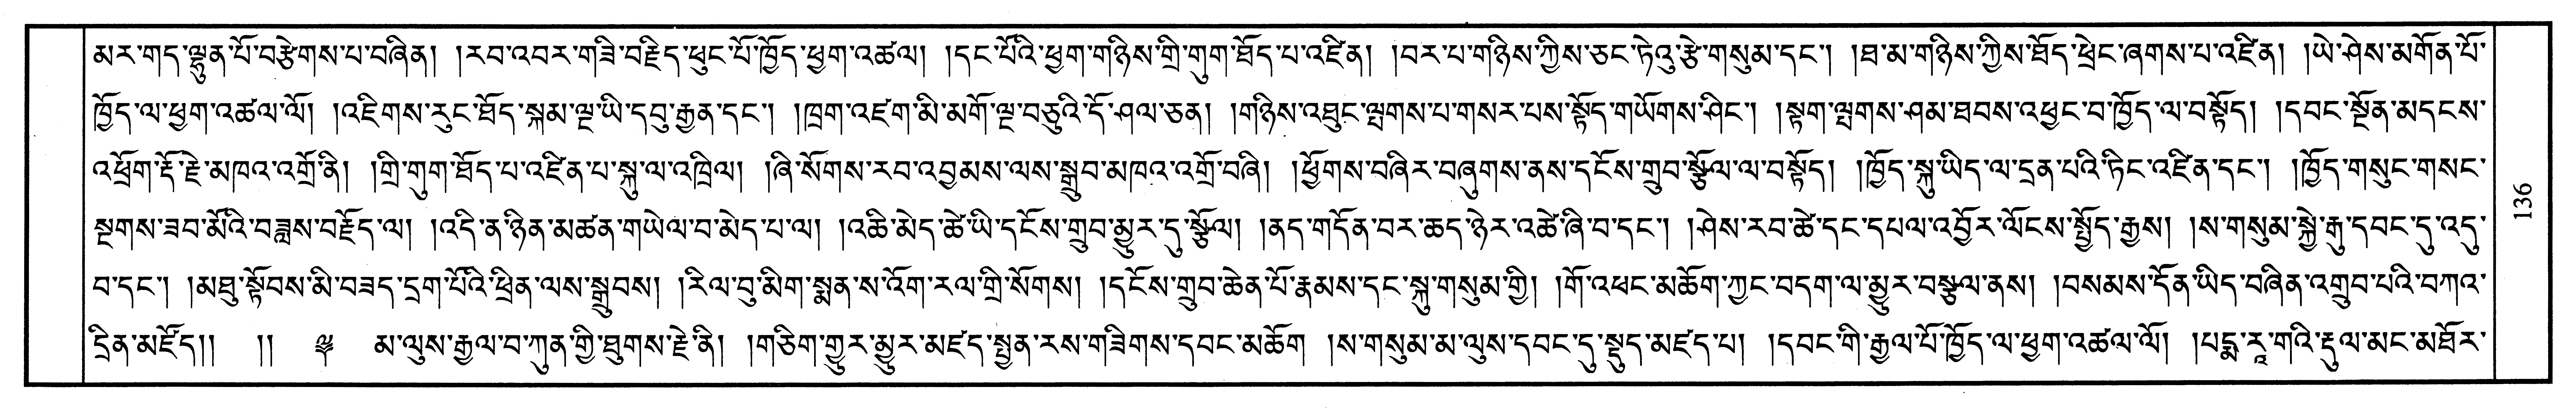མར་གད་ལྷུན་པོ་བརྩེགས་པ་བཞིན། །རབ་འབར་གཟི་བརྗིད་ཕུང་པོ་ཁྱོད་ཕྱག་འཚལ། །དང་པོའི་ཕྱག་གཉིས་གྲི་གུག་ཐོད་པ་འཛིན། །བར་པ་གཉིས་ཀྱིས་ཅང་ཏེའུ་རྩེ་གསུམ་དང་། །ཐ་མ་གཉིས་ཀྱིས་ཐོད་ཕྲེང་ཞགས་པ་འཛིན། །ཡེ་ཤེས་མགོན་པོ་
ཁྱོད་ལ་ཕྱག་འཚལ་ལོ། །འཇིགས་རུང་ཐོད་སྐམ་ལྔ་ཡི་དབུ་རྒྱན་དང་། །ཁྲག་འཛག་མི་མགོ་ལྔ་བཅུའི་དོ་ཤལ་ཅན། །གཉིས་འཐུང་ལྤགས་པ་གསར་པས་སྟོད་གཡོགས་ཤིང་། །སྟག་ལྤགས་ཤམ་ཐབས་འཕྱང་བ་ཁྱོད་ལ་བསྟོད། །དབང་སྔོན་མདངས་
འཕྲོག་རྡོ་རྗེ་མཁའ་འགྲོ་ནི། །གྲི་གུག་ཐོད་པ་འཛིན་པ་སྐུ་ལ་འཁྲིལ། །ཞི་སོགས་རབ་འབྱམས་ལས་སྒྲུབ་མཁའ་འགྲོ་བཞི། །ཕྱོགས་བཞིར་བཞུགས་ནས་དངོས་གྲུབ་སྩོལ་ལ་བསྟོད། །ཁྱོད་སྐུ་ཡིད་ལ་དྲན་པའི་ཏིང་འཛིན་དང་། །ཁྱོད་གསུང་གསང་
སྔགས་ཟབ་མོའི་བཟླས་བརྗོད་ལ། །འདི་ན་ཉིན་མཚན་གཡེལ་བ་མེད་པ་ལ། །འཆི་མེད་ཚེ་ཡི་དངོས་གྲུབ་མྱུར་དུ་སྩོལ། །ནད་གདོན་བར་ཆད་ཉེར་འཚེ་ཞི་བ་དང་། །ཤེས་རབ་ཚེ་དང་དཔལ་འབྱོར་ལོངས་སྤྱོད་རྒྱས། །ས་གསུམ་སྐྱེ་རྒུ་དབང་དུ་འདུ་
བ་དང་། །མཐུ་སྟོབས་མི་བཟད་དྲག་པོའི་ཕྲིན་ལས་སྒྲུབས། །རིལ་བུ་མིག་སྨན་ས་འོག་རལ་གྲི་སོགས། །དངོས་གྲུབ་ཆེན་པོ་རྣམས་དང་སྐུ་གསུམ་གྱི། །གོ་འཕང་མཆོག་ཀྱང་བདག་ལ་མྱུར་བསྩལ་ནས། །བསམས་དོན་ཡིད་བཞིན་འགྲུབ་པའི་བཀའ་
དྲིན་མཛོད།། །། ༈ མ་ལུས་རྒྱལ་བ་ཀུན་གྱི་ཐུགས་རྗེ་ནི། །གཅིག་གྱུར་མྱུར་མཛད་སྤྱན་རས་གཟིགས་དབང་མཆོག །ས་གསུམ་མ་ལུས་དབང་དུ་སྡུད་མཛད་པ། །དབང་གི་རྒྱལ་པོ་ཁྱོད་ལ་ཕྱག་འཚལ་ལོ། །པདམ་རཱ་གའི་རྡུལ་མང་མཐོར་